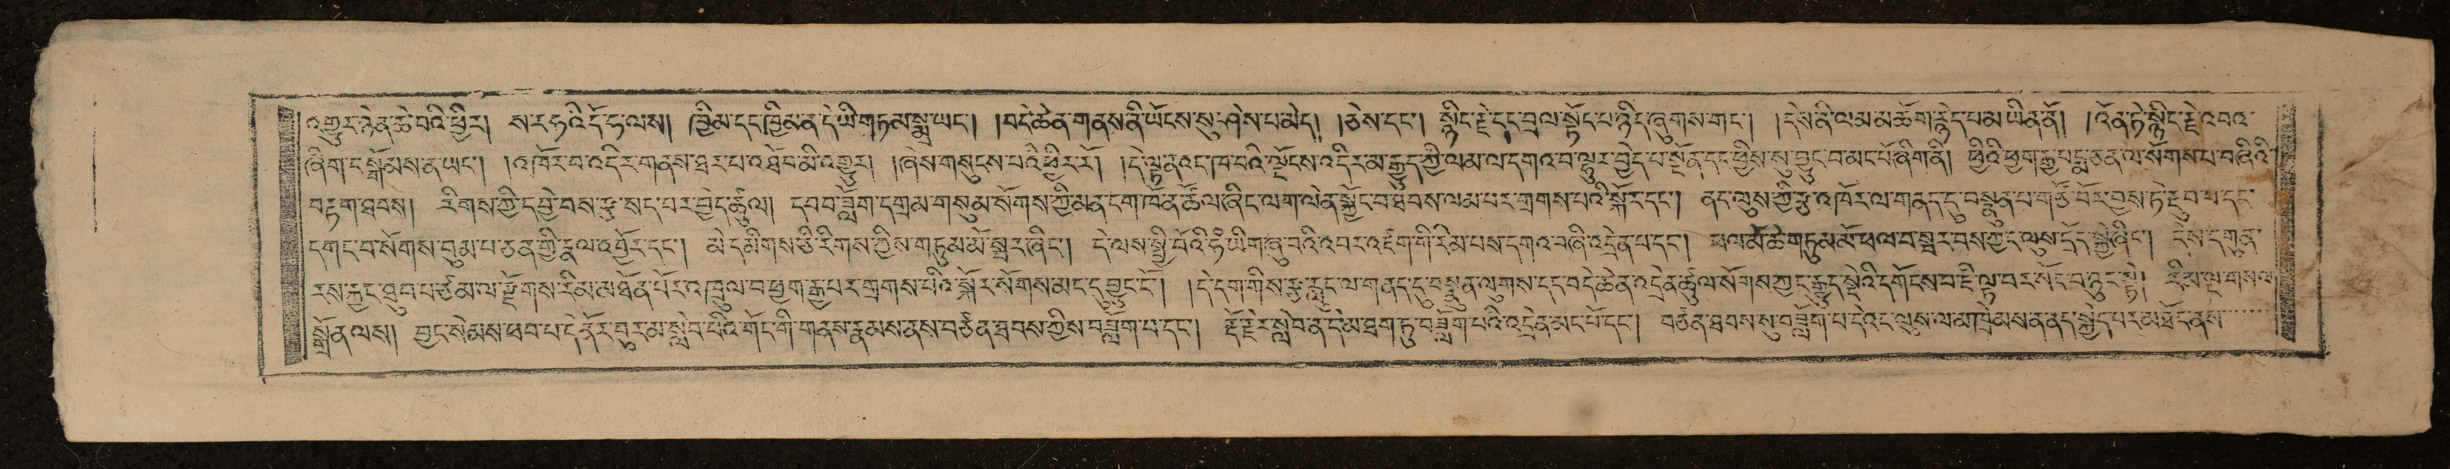འགྱུར་ཉེན་ཆེ་བའི་ཕྱིར། སར་ཧའི་དོ་ཧ་ལས། ཁྱིམ་དང་ཁྱིམ་ན་དེ་ཡི་གཏམ་སྨྲ་ཡང་། །བདེ་ཆེན་གནས་ནི་ཡོངས་སུ་ཤེས་པ་མེད། །ཅེས་དང་། སྙིང་རྗེ་དང་བྲལ་སྟོང་པ་ཉིད་ཞུགས་གང་། །དེས་ནི་ལམ་མཆོག་རྙེད་པ་མ་ཡིན་ནོ། །འོན་ཏེ་སྙིང་རྗེ་འབའ་
ཞིག་བསྒོམས་ན་ཡང་། །འཁོར་བ་འདིར་གནས་ཐར་བ་འཐོབ་མི་འགྱུར། །ཞེས་གསུངས་པའི་ཕྱིར་རོ། །དེ་ལྟ་ནའང་ཁ་བའི་ལྗོངས་འདིར་མ་རྒྱུད་ཀྱི་ལམ་ལ་དགའ་བ་ལྷུར་བྱེད་པ་སྔོན་དང་ཕྱིས་སུ་བྱུང་བ་མང་པོ་ཞིག་ན། ཕྱིའི་ཕྱག་རྒྱ་པདམ་ཅན་ལ་སོགས་པ་བཞིའི་
བརྟག་ཐབས། རིགས་ཀྱི་དབྱེ་བས་རྩ་སད་པར་བྱེད་ཚུལ། དབབ་ཟློག་དགྲམ་གསུམ་སོགས་ཀྱི་མན་ངག་ཁོན་ཚོལ་ཞིང་ལག་ལེན་སྐྱོང་བ་ཐབས་ལམ་པར་གྲགས་པའི་སྐོར་དང་། ནང་ལུས་ཀྱི་རྩ་འཁོར་ལ་གནད་དུ་བསྣུན་པ་གཙོ་བོར་བྱས་ཏེ་རྡུབ་པ་དང་
དགང་བ་སོགས་བུམ་པ་ཅན་གྱི་རྣལ་འབྱོར་དང་། མེ་དམིགས་ཅི་རིགས་ཀྱིས་གཏུམ་མོ་སྦར་ཞིང་། དེ་ལས་སྤྱི་ལོའི་ཧཾ་ཡིག་ཞུ་བའི་འབར་འཛག་གི་རིམ་པས་དགའ་བཞི་འདྲེན་པ་དང་། ཕལ་མོ་ཆེ་གཏུམ་མོ་ཕལ་བ་སྦར་བས་ཀྱང་ལུས་དོད་སྐྱེ་ཞིང་། དེས་དགུན་
རས་རྐྱང་ཐུབ་པ་ཙམ་ལ་རྫོགས་རིམ་མཐོན་པོར་འཁྲུལ་པ་ཕྱག་རྒྱ་པར་གྲགས་པའི་སྐོར་སོགས་མང་དུ་བྱུང་ངོ། །དེ་དག་གིས་རྩ་རླུང་ལ་གནད་དུ་བསྣུན་ལུགས་དང་བདེ་ཆེན་འདྲེན་ཚུལ་སོགས་ཀྱང་རྒྱུད་སྡེའི་དགོངས་པ་ཇི་ལྟ་བར་སོང་བ་ཉུང་སྟེ། རིམ་ལྔ་གསལ་
སྒྲོན་ལས། བྱང་སེམས་ཕབ་པ་དེ་ནེར་བུར་མ་སླེབ་པའི་གོང་གི་གནས་རྣམས་ནས་བཅོན་ཐབས་ཀྱིས་བཟློག་པ་དང་། རྡོ་རྗེར་སླེབ་ན་དེ་མ་ཐག་ཏུ་བཟློག་པའི་འདྲེན་མང་པོ་དང་། བཙན་ཐབས་སུ་བཟློག་པ་དེའང་ལུས་ལམ་ཁྲེམས་ན་ནད་སྐྱེད་པར་མཐོང་ནས་